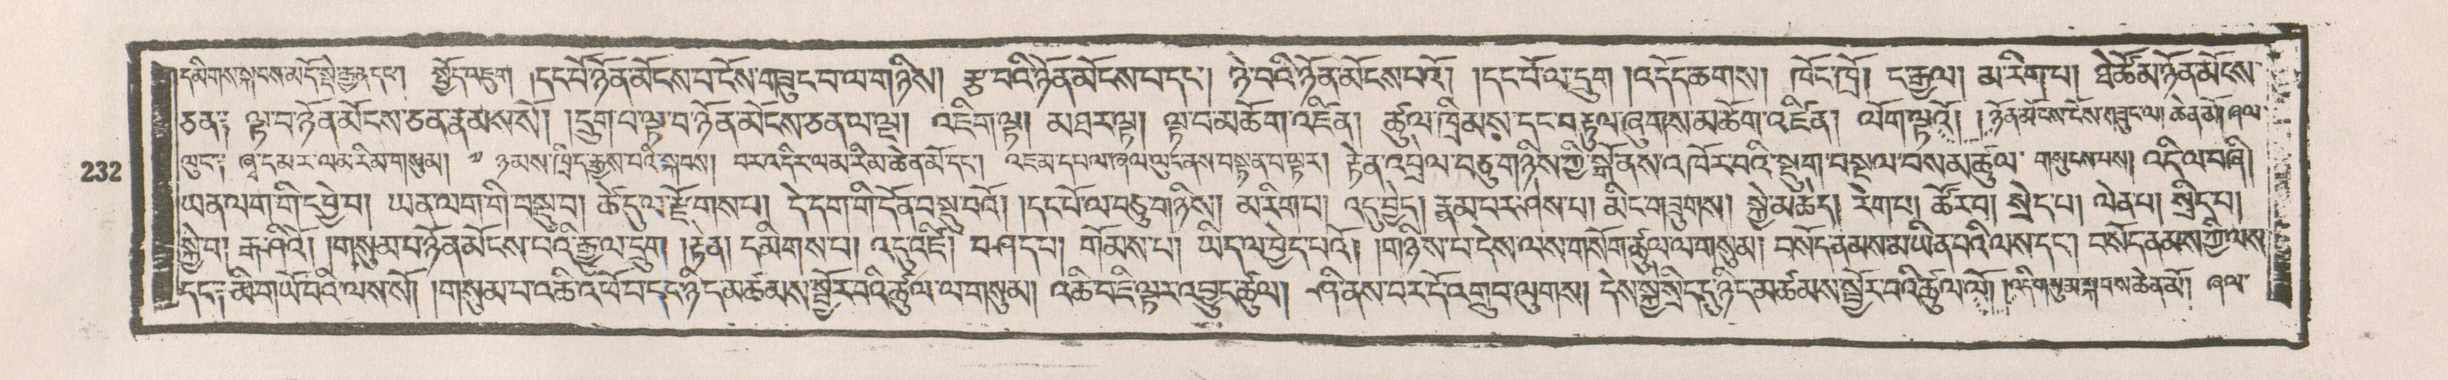དམིགས་སྐབས་མདོ་སྡེ་རྒྱན་དང་། སྤྱོད་འཇུག་དང་པོ་ཉོན་མོངས་པ་ངོས་གཟུང་བ་ལ་གཉིས། རྩ་བའི་ཉོན་མོངས་པ་དང་། ཉེ་བའི་ཉོན་མོངས་པའོ། །དང་པོ་ལ་དྲུག །འདོད་ཆགས། ཁོང་ཁྲོ། ང་རྒྱལ། མ་རིག་པ། ཐེ་ཚོམ་ཉོན་མོངས་
ཅན༑ ལྟ་བ་ཉོན་མོངས་ཅན་རྣམས་སོ། །དྲུག་པ་ལྟ་བ་ཉོན་མོངས་ཅན་ལ་ལྔ། འཇིག་ལྟ། མཐར་ལྟ། ལྟ་བ་མཆོག་འཛིན། ཚུལ་ཁྲིམས་དང་བརྟུལ་ཞུགས་མཆོག་འཛིན། ལོག་ལྟའོ། ། ཉོན་མོངས་ངོས་གཟུང་ལ། ཆེན་མོ། ཞལ
ལུང༑ ཞྭ་དམར་ལམ་རིམ་གསུམ། ~ཉམས་ཁྲིད་རྒྱས་པའི་སྐབས། བར་འདིར་ལམ་རིམ་ཆེན་མོ་དང་། འཇམ་དཔལ་ཞལ་ལུང་ནས་བསྟན་པ་ལྟར།  རྟེན་འབྲེལ་བཅུ་གཉིས་ཀྱི་སྒོ་ནས་འཁོར་བའི་སྡུག་བསྔལ་བས་མཚུལ་གསུངས་པས།  འདི་ལ་བཞི།
ཡན་ལག་གི་དབྱེ་བ། ཡན་ལག་གི་བསྡུ་བ། ཚེ་དུ་ལ་རྫོགས་པ། དེ་དག་གི་དོན་བསྡུ་བའོ། །དང་པོ་ལ་བཅུ་གཉིས། མ་རིག་པ། འདུ་བྱེད། རྣམ་པར་ཤེས་པ། མིང་གཟུགས། སྐྱེ་མཆེད། རེག་པ། ཚོར་བ། སྲེད་པ། ལེན་པ། སྲིད་པ།
སྐྱེ་བ། རྒ་ཤིའོ། །གསུམ་པ་ཉོན་མོངས་པའི་རྒྱུ་ལ་དྲུག །རྟེན། དམིགས་པ། འདུ་འཛི། བཤད་པ། གོམས་པ། ཡིད་ལ་བྱེད་པའོ། །གཉིས་པ་དེས་ལས་གསོག་ཚུལ་ལ་གསུམ། བསོད་ནམས་མ་ཡིན་པའི་ལས་དང་། བསོད་ནམས་ཀྱི་ལས་
དང༑ མི་གཡོ་བའི་ལས་སོ། །གསུམ་པ་འཆི་འཕོ་བ་དང་ཉིང་མཚམས་སྦྱོར་བའི་ཚུལ་ལ་གསུམ། འཆི་བ་ཇི་ལྟར་འབྱུང་ཚུལ། ཤི་ནས་བར་དོ་འགྲུབ་ལུགས། དེས་སྐྱེ་སྲིད་དུ་ཉིང་མཚམས་སྦྱོར་བའི་ཚུལ་ལོ། ། འདི་གསུམ་སྐབས་ཆེན་མོ། ཞལ